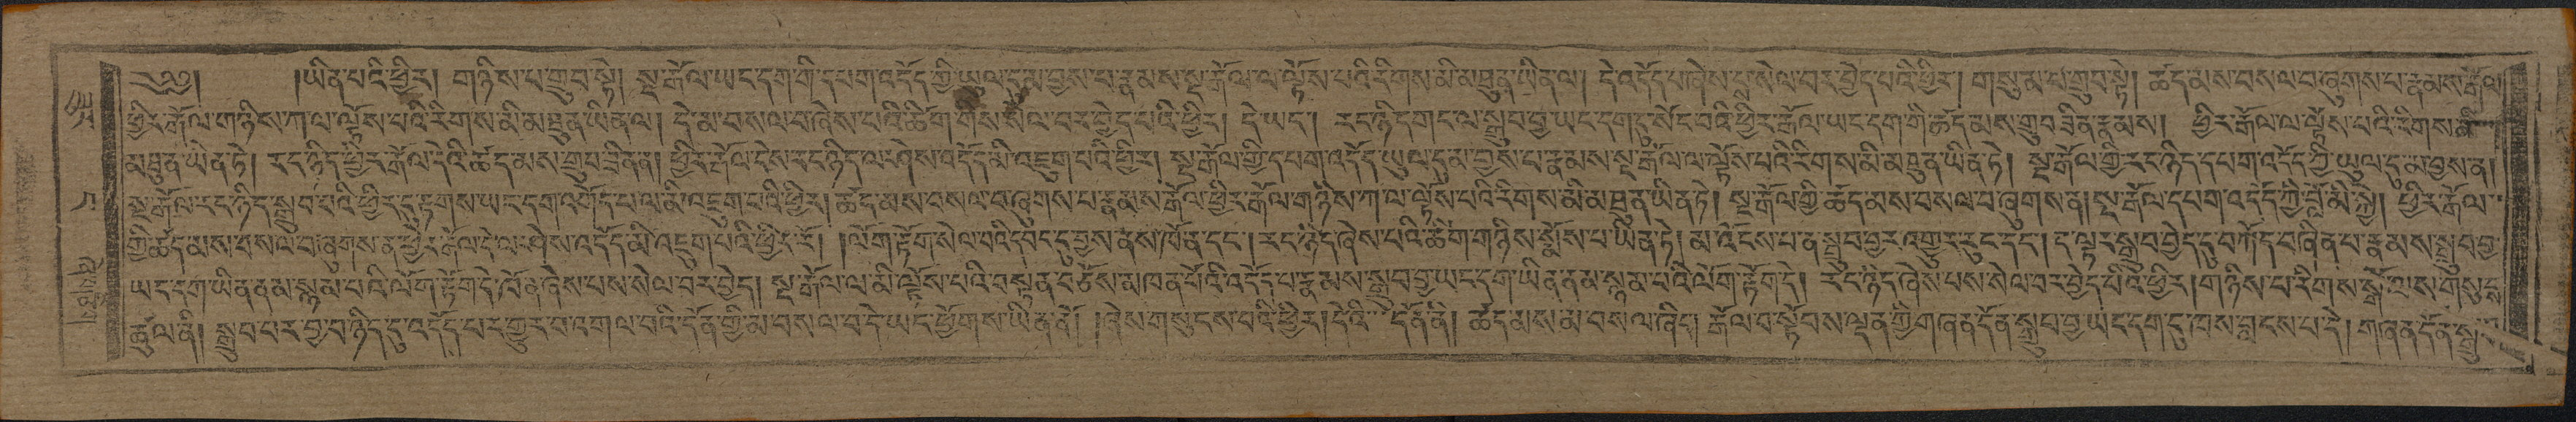༄༅། །ཡིན་པའི་ཕྱིར། གཉིས་པ་གྲུབ་སྟེ། སྔ་རྒོལ་ཡང་དག་གི་དཔག་འདོད་ཀྱི་ཡུལ་དུ་མ་བྱས་པ་རྣམས་སྔ་རྒོལ་ལ་ལྟོས་པའི་རིགས་མི་མཐུན་ཡིན་ལ། དེ་འདོད་པ་ཞེས་པས་སེལ་བར་བྱེད་པའི་ཕྱིར། གསུམ་པ་གྲུབ་སྟེ། ཚད་མས་བསལ་བ་ཞུགས་པ་རྣམས་རྒོལ་
ཕྱིར་རྒོལ་གཉིས་ཀ་ལ་ལྟོས་པའི་རིགས་མི་མཐུན་ཡིན་ལ། དེ་མ་བསལ་བ་ཞེས་པའི་ཚིག་གིས་སེལ་བར་བྱེད་པའི་ཕྱིར། དེ་ཡང་། རང་ཉིད་གང་ལ་བསྒྲུབ་བྱ་ཡང་དག་ཏུ་སོང་བའི་ཕྱིར་རྒོལ་ཡང་དག་གི་ཚད་མས་གྲུབ་ཟིན་རྣམས། ཕྱིར་རྒོལ་ལ་ལྟོས་པའི་རིགས་མི་
མཐུན་ཡིན་ཏེ། རང་ཉིད་ཕྱིར་རྒོལ་དེའི་ཚད་མས་གྲུབ་ཟིན་ན། ཕྱིར་རྒོལ་དེས་རང་ཉིད་ལ་ཤེས་འདོད་མི་འཇུག་པའི་ཕྱིར། སྔ་རྒོལ་གྱི་དཔག་འདོད་ཡུལ་དུ་མ་བྱས་པ་རྣམས་སྔ་རྒོལ་ལ་ལྟོས་པའི་རིགས་མི་མཐུན་ཡིན་ཏེ། སྔ་རྒོལ་གྱི་རང་ཉིད་དཔག་འདོད་ཀྱི་ཡུལ་དུ་མ་བྱས་ན།
སྔ་རྒོལ་རང་ཉིད་སྒྲུབ་པའི་ཕྱིར་དུ་རྟགས་ཡང་དག་འགོད་པ་ལ་མི་འཇུག་པའི་ཕྱིར། ཚད་མས་བསལ་བ་ཞུགས་པ་རྣམས་རྒོལ་ཕྱིར་རྒོལ་གཉིས་ཀ་ལ་ལྟོས་པའི་རིགས་མི་མཐུན་ཡིན་ཏེ། སྔ་རྒོལ་གྱི་ཚད་མས་བསལ་བ་ཞུགས་ན། སྔ་རྒོལ་ལ་དཔག་འདོད་ཀྱི་བློ་མི་སྐྱེ། ཕྱིར་རྒོལ་
གྱི་ཚད་མས་བསལ་བ་ཞུགས་ན་ཕྱིར་རྒོལ་དེ་ལ་ཤེས་འདོད་མི་འཇུག་པའི་ཕྱིར་རོ། །ལོག་རྟོག་སེལ་བའི་དབང་དུ་བྱས་ནས་ཁོ་ན་དང་། རང་ཉིད་ཅེས་པའི་ཚིག་གཉིས་སྨོས་པ་ཡིན་ཏེ། མ་འོངས་པ་ན་བསྒྲུབ་བྱར་འགྱུར་རུང་དང་། ད་ལྟར་སྒྲུབ་བྱེད་དུ་བཀོད་བཞིན་པ་རྣམས་བསྒྲུབ་བྱ་
ཡང་དག་ཡིན་ནམ་སྙམ་པའི་ལོག་རྟོག་དེ་ཁོ་ན་ཞེས་པས་སེལ་བར་བྱེད། སྔ་རྒོལ་ལ་མི་ལྟོས་པའི་བསྟན་བཅོས་མཁན་པོའི་འདོད་པ་རྣམས་བསྒྲུབ་བྱ་ཡང་དག་ཡིན་ནམ་སྙམ་པའི་ལོག་རྟོག་དེ། རང་ཉིད་ཅེས་པས་སེལ་བར་བྱེད་པའི་ཕྱིར། གཉིས་པ་རིགས་སྒོ་ལས་གསུངས་
ཚུལ་ནི། བསྒྲུབ་པར་བྱ་བ་ཉིད་དུ་འདོད་པར་གྱུར་བ་འགལ་བའི་དོན་གྱི་མ་བསལ་བ་དེ་ཡང་ཕྱོགས་ཡིན་ནོ། །ཞེས་གསུངས་པའི་ཕྱིར། དེའི་དོན་ནི། ཚད་མས་མ་བསལ་ཞིང་། རྒོལ་བ་སྟོབས་ལྡན་གྱི་གཞན་དོན་བསྒྲུབ་བྱ་ཡང་དག་ཏུ་ཁས་བླངས་པ་དེ། གཞན་དོན་བསྒྲུབ་